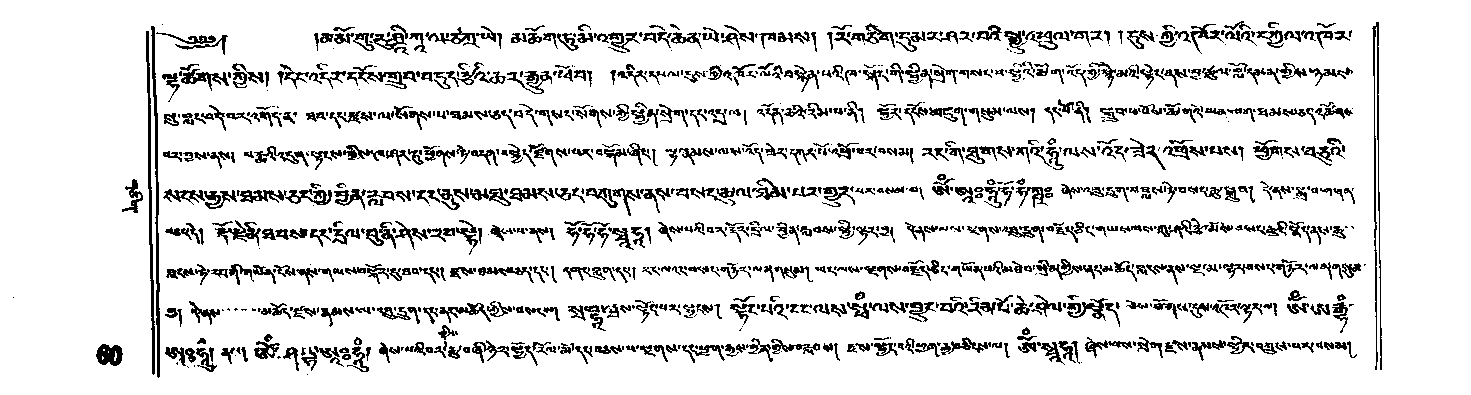༄༅༅། །ན་མོ་གུ་རུ་ཤྲཱི་ཀཱ་ལ་ཙཀྲ་ཡེ། མཆོག་ཏུ་མི་འགྱུར་བདེ་ཆེན་ཡེ་ཤེས་ཁམས། །རོ་གཅིག་དུ་མར་ཤར་བའི་སྒྱུ་འཕྲུལ་གར། །དུས་ཀྱི་འཁོར་ལོའི་དཀྱིལ་འཁོར་
ལྷ་ཚོགས་ཀྱིས། །དེང་འདིར་དངོས་གྲུབ་བདུད་རྩིའི་ཆར་རྒྱུན་ཕོབ། །འདིར་དཔལ་དུས་ཀྱི་འཁོར་ལོའི་བསྙེན་པའི་ཁ་སྐོང་གི་སྦྱིན་སྲེག་གསང་བ་སྤྱིའི་ཆོ་ག་འོད་ཀྱི་སྙེ་མའི་སྟེང་ནས་བྱ་ཚུལ་བློ་དམན་གྱིས་ཉམས་
སུ་བླང་བདེ་བར་འགོད་ན་ཐབ་དང་རྫས་ལ་སོགས་པ་ཐམས་ཅད་བདེ་གསང་སོགས་ཀྱི་སྦྱིན་སྲེག་དང་འདྲ་ལ། འདོན་ཆའི་རིམ་པ་ནི། སྦྱོར་དངོས་མཇུག་གསུམ་ལས། དང་བོ་ནི། སྒྲུབ་པ་པོས་ཆོ་གའི་ཡན་ལག་ཐམས་ཅད་འཚོགས་
པར་བྱས་ནས། པདམའི་འདུག་སྟངས་ཀྱིས་ཁ་ཤར་དུ་ཕྱོགས་ཏེ་བདག་བསྐྱེད་རྫོགས་པར་བསྒོམ་ཞིང་། ལྷ་རྣམས་ལས་འོད་ཟེར་དཀར་པོ་འཕྲོ་བར་བསམ། རང་གི་ཐུགས་ཀའི་ཧཱུཾ་ལས་འོད་ཟེར་འཕྲོས་པས། ཕྱོགས་བཅུའི་
སངས་རྒྱས་ཐམས་ཅད་ཀྱི་བྱིན་རླབས་དང་ནུས་མཐུ་ཐམས་ཅད་བཀུགས་ནས་བསང་ཆུ་ལ་ཐིམ་པར་གྱུར་པར་བསམ་ལ།  ཨོཾ་ཨཱཿ ཧཱུཾ་ཧོ་ཧཾ་ཀྵཿ ཞེས་འབྲུ་དྲུག་བཟླས་ཏེ་བསང་ཆུ་སྒྲུབ། དེ་ནས་སྨྲ་བ་གཞན་
བཅས་དེ། རྡོ་རྗེ་ནི་ཐབས་དང་དྲིལ་བུ་ནི་ཤེས་རབ་སྟེ། ཞེས་པ་ནས།  ཧོ་ཧོ་ཧོ་སྭཱཧཱ། ཞེས་པའི་བར་རྡོར་དྲི་ལ་བྱིན་རླབས་སྦྱི་ལྟར་བྱ། དེ?་ནས་ལས་སྔགས་འབྲུ་དྲུག་བརྗོད་ཅིང་གཡས་?ལས་ཀུ་ཤའི་རྩེ་མོས་བསང་ཆུའི་སྣོད་ནས་ཆུ་
བླངས་ཏེ་རབ་གི་གཡོན་ངོས་ནས་གཡས་བསྐོར་དུ་ཐབ་དང་། རྫས་ཐམས་ཅད་དང་། དགང་བླུག་དང་། རང་ལའང་བསང་གཏོར་ལན་གསུམ། ཡང་ལས་སྔགས་བརྗོད་ཅིང་གཡོན་པའི་མཐེབ་སྲིན་གྱིས་ནང་མཆོད་བླངས་ནས་སྔ་མ་ལྟར་བསང་གཏོར་ལན་གསུམ་
བྱ། དེ་ནས་?་མཆོད་རྫས་རྣམས་ལ་འབྲུ་དྲུག་དང་ནང་མཆོད་ཀྱིས་བསངས། སྭ་བྷཱ་ཝས་སྟོང་པར་སྦྱངས།  སྟོང་པའི་ངང་ལས་སྥཾ་ལས་བྱུང་བའི་རིམ་པོ་ཆེ་ཤེལ་གྱི་སྣོད་ཅེས་སོགས་དུས་འཁོར་ལྟར་ལ།  ཨོཾ་ཨརྒྷཾ་
ཨཱཿ ཧཱུཾ། ནས།  ཨོཾ་ཤཔྟ་ཨཱཿ ཧཱུཾ། ཞེས་པའི་བར་གྱིས་?རྫུ་བཞི་ཉེར་སྤྱོད་རོལ་མོ་དང་བཅས་པ་སྔགས་དང་ཕྱག་རྒྱས་བྱིན་གྱིས་བརླབས། རྫ་ས་སྦྱོད་བའི་ཕྱག་རྒྱ་བཅིངས་ལ།  ཨོཾ་སྭཱཧཱ། ཞེས་པས་སྲེག་རྫས་རྣམས་སྤྱིར་བཀྲུས་བར་བསམ།